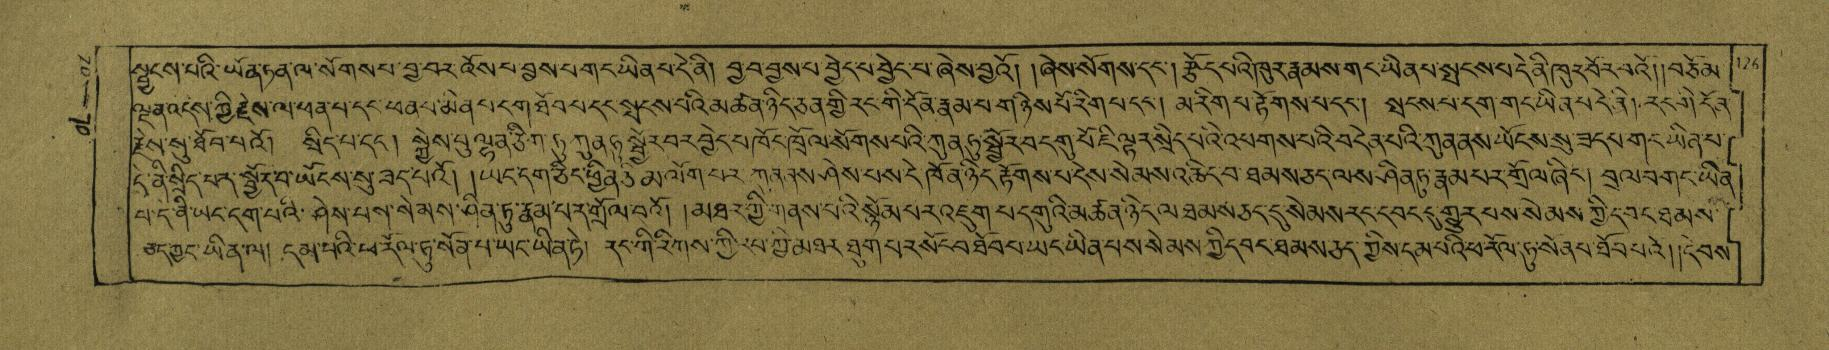སྦྱངས་པའི་ཡོན་ཏན་ལ་སོགས་པ་བྱ་བར་འོས་པ་བྱས་པ་གང་ཡིན་པ་དེ་ནི། བྱ་བ་བྱས་པ་བྱེད་པ་བྱེད་པ་ཞེས་བྱའོ། །ཞེས་སོགས་དང་། རྩོད་པའི་ཁུར་རྣམས་གང་ཡིན་པ་སྤངས་པ་དེ་ནི་ཁུར་བོར་བའོ། །བཅོམ་
ལྡན་འདས་ཀྱི་རྗེས་ལ་ཕན་པ་དང་ཕན་པ་མིན་པ་དག་ཐོབ་པ་དང་སྤངས་པའི་མཚན་ཉིད་ཅན་གྱི་རང་གི་དོན་རྣམ་པ་གཉིས་པོ་རིག་པ་དང་། མ་རིག་པ་རྟོགས་པ་དང་། སྤངས་པ་དག་གང་ཡིན་པ་དེ་ནི། རང་གི་དོན་
རྗེས་སུ་ཐོབ་པའོ། སྲིད་པ་དང་། སྐྱེས་བུ་ལྷན་ཅིག་ཏུ་ཀུན་ཏུ་སྦྱོར་བར་བྱེད་པ་ཁོང་ཁྲོ་ལ་སོགས་པའི་ཀུན་ཏུ་སྦྱོར་བ་དགུ་པོ་ཇི་ལྟར་སྲིད་པའི་འཕགས་པའི་བདེན་པའི་ཀུན་ནས་ཡོངས་སུ་ཟད་པ་གང་ཡིན་པ་
དེ་ནི་སྲིད་པར་སྦྱོར་བ་ཡོངས་སུ་ཟད་པའོ། །ཡང་དག་ཅིང་ཕྱིན་ཅི་མ་ལོག་པར་ཀུན་ནས་ཤེས་པས་དེ་ཁོ་ན་ཉིད་རྟོགས་པ་དེས་སེམས་འཆིང་བ་ཐམས་ཅད་ལས་ཤིན་ཏུ་རྣམ་པར་གྲོལ་ཞིང་། བྲལ་བ་གང་ཡིན་
པ་དེ་ནི་ཡང་དག་པའི་ཤེས་པས་སེམས་ཤིན་ཏུ་རྣམ་པར་གྲོལ་བའོ། །མཐར་གྱི་གནས་པའི་སྙོམ་པར་འཇུག་པ་དགུའི་མཚན་ཉིད་ལ་ཐམས་ཅད་དུ་སེམས་རང་དབང་དུ་གྱུར་པས་སེམས་ཀྱི་དབང་ཐམས་
ཅད་ཀྱང་ཡིན་ལ། དམ་པའི་ཕ་རོལ་ཏུ་སོན་པ་ཡང་ཡིན་ཏེ། རང་གི་རིགས་ཀྱི་རབ་ཀྱི་མཐར་ཐུག་པར་སོང་བ་ཐོབ་པ་ཡང་ཡིན་པས་སེམས་ཀྱི་དབང་ཐམས་ཅད་ཀྱིས་དམ་པའི་ཕ་རོལ་ཏུ་སོན་པ་ཐོབ་པའོ། །དེ་བས་